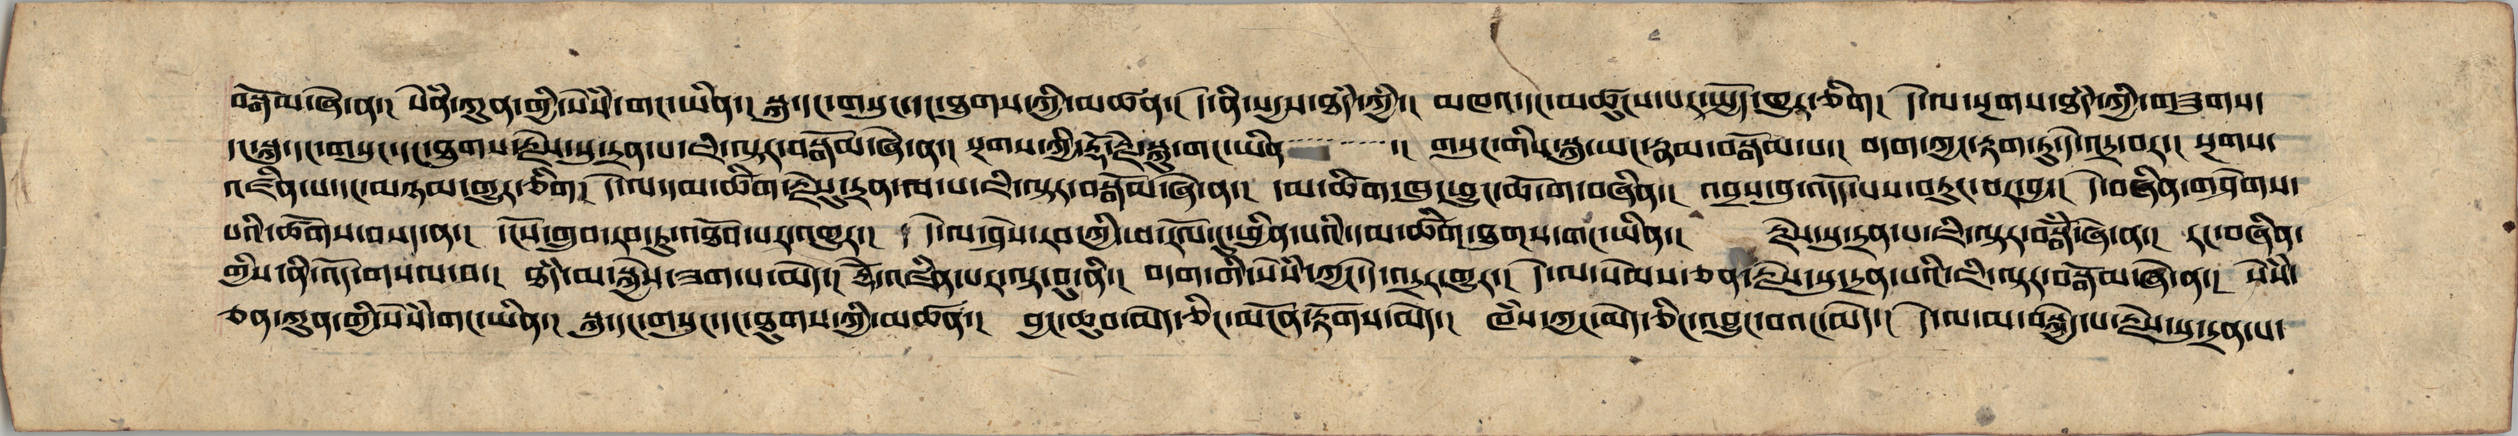བསྒོམ་ཞེ་ན་། སེཾན་ཀུན་གྱི་སེཾས་གང་ཡིན་། སྐུ་དང་གསུང་དང་ཐུགས་ཀྱི་མཚན་། དེ་ནི་སདྱས་ཐཾད་ཀྱི་། མཁའ་དང་མཚུངས་པར་སྤྱོད་གྱུར་ཅིག། དེ་ལ་སྔགས་ཐཾད་ཀྱི་གཟུགས་
དང་སྐུ་དང་གསུང་དང་ཐུགས་རྗེས་སུ་དྲན་པ་ཇི་ལྟར་བསྒོམ་ཞེ་ན་། སྔགས་ཀྱི་རྡོ་རྗེ་སྐུ་གང་ཡིན་་་་་་་་་་་་་་་་། གསུང་གིས་སྐུ་ཡང་རྣམ་བསྒོམ་པ་། བདག་ཀྱང་རྟག་ཏུ་དེ་འདྲ་བར་། སྔགས་
འཛིན་པ་དང་མཉམ་གྱུར་ཅིག། དེ་ལ་དམ་ཚིག་རྗེསུ་དྲན་ལ་ས་ཇི་ལྟར་བསྒོམ་ཞེ་ན་། དམ་ཚིག་ཁུད་ཕྱུང་ཆོ་ག་བཞིན་། འབྲས་བུ་འདོད་པས་བཏུང་བར་བྱ་། དེ་བཞིན་གཤེགས་
པའི་ཚོགས་བསད་ན་། དངོས་གྲུབ་རབ་ཏུ་འཐོབ་པར་འགྱུར་། ࿑ དེ་ལ་ཤེས་རབ་ཀྱི་ཕ་རོལ་དུ་ཕྱིན་པའི་དམ་ཚིག་ཐུགས་གང་ཡིན་། རྗེས་སུ་དྲན་པ་ཇི་ལྟར་བསྒོཾ་ཞེ་ན་། རང་བཞིན་
གྱིས་ནི་འོད་གསལ་བ་། ཐཾད་མ་སྐྱེས་ཟག་པ་མེད་། རྡོེ་འཛིན་པར་ལྟ་བུ་ནི་། བདག་གི་སེཾས་ཀྱང་དེ་འདྲར་གྱུར་། དེ་ལ་སེམས་ཅན་རྗེས་སུ་དྲན་པའི་ཇི་ལྟར་བསྒོམ་ཞེ་ན་། སེཾས་
ཅན་ཀུན་གྱི་སེཾས་གང་ཡིན་། སྐུ་དང་གསུང་དང་ཐུགས་ཀྱི་མཚན་། བྱང་ཆུབ་མེད་ཅིང་མངོན་རྟོགས་མེད་། ཁཾས་ཀྱང་མེད་ཅིང་འབྱུང་བའང་མེད་། དེ་ལ་མ་བསྐྱེད་པ་རྗེས་སུ་དྲན་པ་